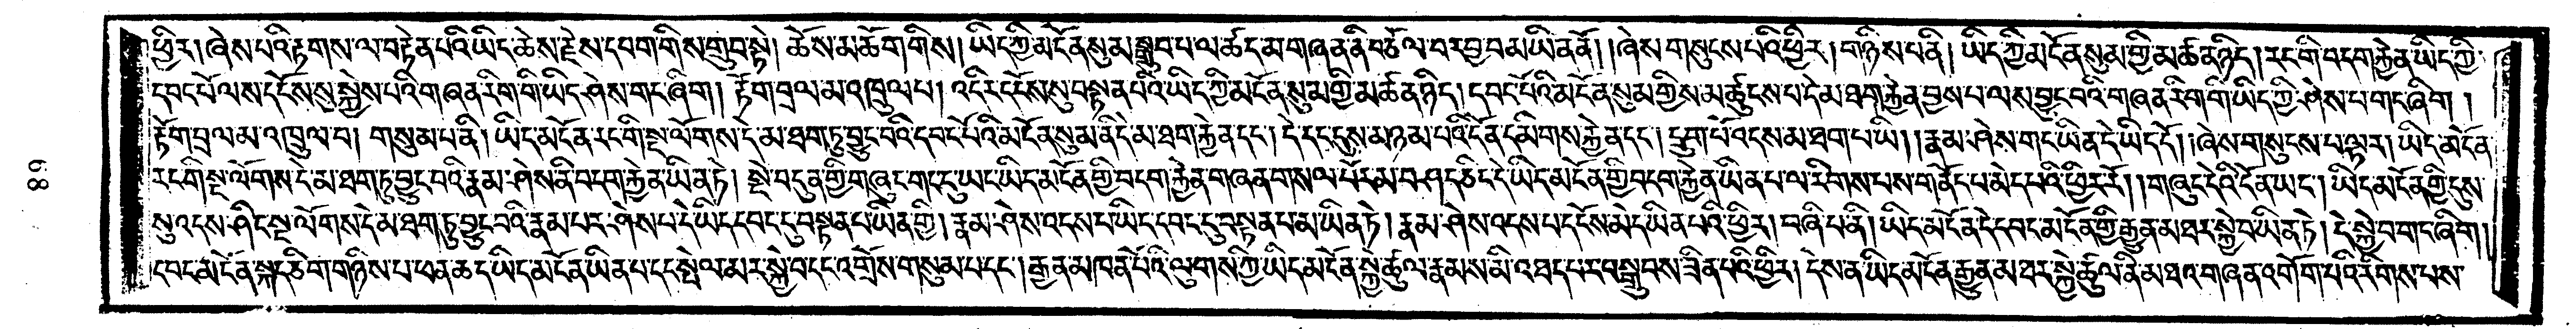ཕྱིར༑ ཞེས་པའི་རྟགས་ལ་བརྟེན་པའི་ཡིད་ཆེས་རྗེས་དཔག་གིས་གྲུབ་སྟེ། ཆོས་མཆོག་གིས། ཡིད་ཀྱི་མངོན་སུམ་སྒྲུབ་པ་ལ་ཚད་མ་གཞན་ནི་བཙལ་བར་བྱ་བ་མ་ཡིན་ནོ། །ཞེས་གསུངས་པའི་ཕྱིར། གཉིས་པ་ནི། ཡིད་ཀྱི་མངོན་སུམ་གྱི་མཚན་ཉིད། རང་གི་བདག་རྐྱེན་ཡིད་ཀྱི་
དབང་པོ་ལས་དངོས་སུ་སྐྱེས་པའི་གཞན་རིག་གི་ཡིད་ཤེས་གང་ཞིག །རྟོག་བྲལ་མ་འཁྲུལ་བ། འདིར་དངོས་སུ་བསྟན་པའི་ཡིད་ཀྱི་མངོན་སུམ་གྱི་མཚན་ཉིད། དབང་པོའི་མངོན་སུམ་གྱིས་མཚུངས་པ་དེ་མ་ཐག་རྐྱེན་བྱས་པ་ལས་བྱུང་བའི་གཞན་རིག་གི་ཡིད་ཀྱི་ཤེས་པ་གང་ཞིག །
རྟོག་བྲལ་མ་འཁྲུལ་བ། གསུམ་པ་ནི། ཡིད་མངོན་རང་གི་སྔ་ལོགས་དེ་མ་ཐག་ཏུ་བྱུང་བའི་དབང་པོའི་མངོན་སུམ་ནི་དེ་མ་ཐག་རྐྱེན་དང་། དེ་དང་དུས་མཉམ་པའི་དོན་དམིགས་རྐྱེན་དང་། དྲུག་པོ་འདས་མ་ཐག་པ་ཡི། །རྣམ་ཤེས་གང་ཡིན་དེ་ཡིད་དོ། །ཞེས་གསུངས་པ་ལྟར། ཡིད་མངོན་
རང་གི་སྔ་ལོགས་དེ་མ་ཐག་ཏུ་བྱུང་བའི་རྣམ་ཤེས་ནི་བདག་རྐྱེན་ཡིན་ཏེ། སྡེ་བདུན་གྱི་གཞུང་གང་དུ་ཡང་ཡིད་མངོན་གྱི་བདག་རྐྱེན་གཞན་གསལ་པོར་མ་བཤད་ཅིང་དེ་ཡིད་མངོན་གྱི་བདག་རྐྱེན་ཡིན་པ་ལ་རིགས་པས་གནོད་པ་མེད་པའི་ཕྱིར་རོ། །གཞུང་དེའི་དོན་ཡང་། ཡིད་མངོན་གྱི་དུས་
སུ་འདས་ཤིང་སྔ་ལོགས་དེ་མ་ཐག་ཏུ་བྱུང་བའི་རྣམ་པར་ཤེས་པ་དེ་ཡིད་དབང་དུ་བསྟན་པ་ཡིན་གྱི། རྣམ་ཤེས་འདས་པ་ཡིད་དབང་དུ་བསྟན་པ་མ་ཡིན་ཏེ། རྣམ་ཤེས་འདས་པ་དངོས་མེད་ཡིན་པའི་ཕྱིར། བཞི་པ་ནི། ཡིད་མངོན་དེ་དབང་མངོན་གྱི་རྒྱུན་མཐར་སྐྱེ་བ་ཡིན་ཏེ། དེ་སྐྱེ་བ་གང་ཞིག །
དབང་མངོན་སྐད་ཅིག་གཉིས་པ་ཕན་ཆད་ཡིད་མངོན་ཡིན་པ་དང་སྤེལ་མར་སྐྱེ་བ་དང་འགྲོས་གསུམ་པ་དང་།རྒྱན་མཁན་པོའི་ལུགས་ཀྱི་ཡིད་མངོན་སྐྱེ་ཚུལ་རྣམས་མི་འཐད་པར་བསྒྲུབས་ཟིན་པའི་ཕྱིར། དེས་ན་ཡིད་མངོན་རྒྱུན་མཐར་སྐྱེ་ཚུལ་ནི་མཐའ་གཞན་འགོག་པའི་རིགས་པས་